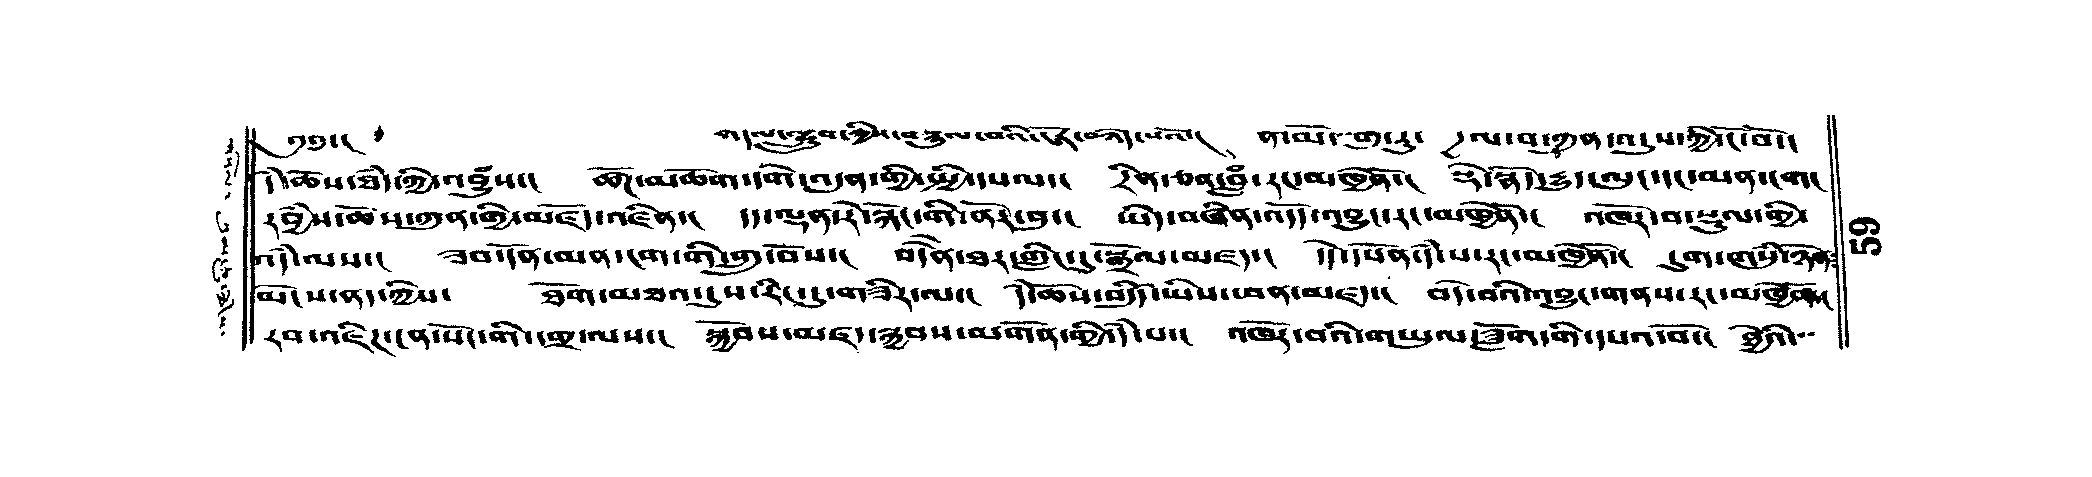གདལ་ལྷུན་གྲུབ་ཀྱིས་བསྐུལ་བའི་ངོར་བཀོད་པའོ།། ན་མོ་གུ་རུ། རྒྱལ་བ་ཀུན་འདུས་ཀྱི་ངོ་བོ། །
དམ་ཆོས་ཐམས་ཅད་ཀྱི་འབྱུང་གནས། །ཚོགས་མཆོག་དགེ་འདུན་གྱི་སྤྱི་དཔལ། །དྲིན་ཅན་བླ་མ་རང་མཁྱེན་ནོ། །སྡེ་སྣོད་རྒྱུད་ལུང་ད་ངམན་ངག་
རབ་འབྱམས་ཆོས་ཀུན་གྱི་མཛོད་འཛིན། དད་ལྡན་རེ་སྐོང་གི་ནོར་བུ། ཡིད་བཞིན་འདོད་འབྱུང་རང་མཁྱེན་ནོ། །འཁོར་བ་སྡུག་བསྔལ་གྱི་
འདམ་ལས། །ཟབ་དོན་མན་ངག་གི་གྲུ་བོས། །བདེ་ཆེན་ཐར་གླིང་དུ་སྒྲོལ་མཛད། །དེད་དཔོན་དམ་པ་རང་མཁྱེན་ནོ། །དུག་གསུམ་ཉོན་
མོངས་ནད་ཀྱིས། །ཐོག་མཐའ་དུས་རིང་དུ་གཟིར་ལ། །དམ་ཆོས་བདུད་རྩི་ཡིས་ཕན་མཛད། །བདེ་བའི་འབྱུང་གནས་རང་མཁྱེན་
ནོ། །རབ་འཇིགས་ངན་སོང་གི་དགྲ་ལས། །སྐྱོབས་མཛད་སྐྱབས་མགོན་གྱི་དམ་པ། །འཁོར་བའི་གཡུལ་ཟློག་གི་དཔའ་བོ། །ཐུགས་རྗེའི་